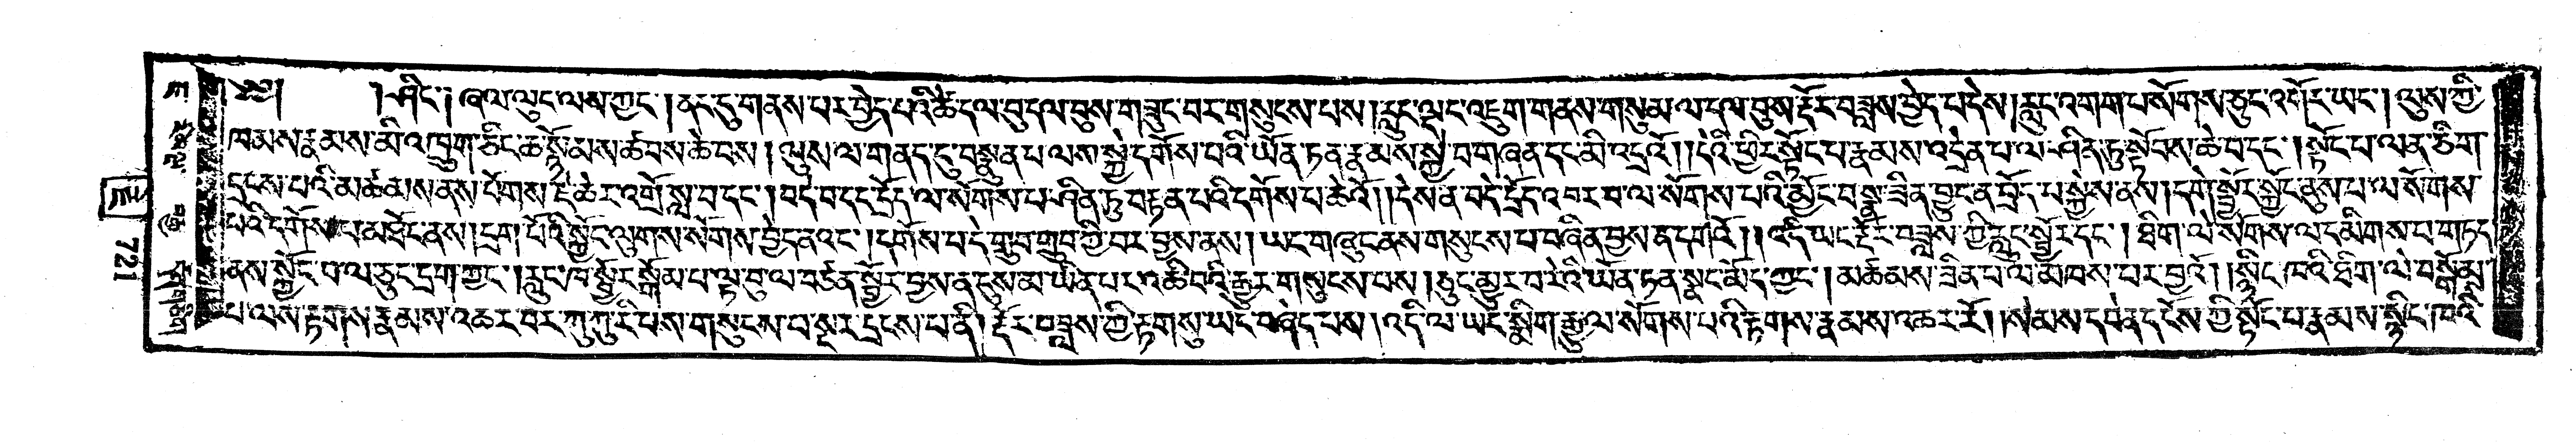༄༅། །ཤིང་། ཞལ་ལུང་ལས་ཀྱང་། ནང་དུ་གནས་པར་བྱེད་པའི་ཚེ་དལ་བུ་དལ་བུས་གཟུང་བར་གསུངས་པས། རླུང་ལྡང་འཇུག་གནས་གསུམ་ལ་དལ་བུས་རྡོར་བཟླས་བྱེད་པ་དེས། རླུང་འགག་པ་སོགས་ཅུང་འགོར་ཡང་། ལུས་ཀྱི་
ཁམས་རྣམས་མི་འཁྲུག་ཅིང་ཆ་སྙོམས་ཚབས་ཆེ་བས། ལུས་ལ་གནད་དུ་བསྣུན་པ་ལས་སྐྱེ་དགོས་པའི་ཡོན་ཏན་རྣམས་སྐྱེ་བ་གཞན་དང་མི་འདྲའོ། །དེའི་ཕྱིར་སྟོང་པ་རྣམས་འདྲེན་པ་ལ་ཤིན་ཏུ་སྟོབས་ཆེ་བ་དང་། སྟོང་པ་ལན་ཅིག་
དྲངས་པའི་མཚམས་ནས་བོགས་ཇེ་ཆེར་འགྲོ་སླ་བ་དང་། བདེ་བ་དང་དྲོད་ལ་སོགས་པ་ཤིན་ཏུ་བརྟན་པའི་དགོས་པ་ཆེའོ། །དེས་ན་བདེ་དྲོད་འབར་བ་ལ་སོགས་པའི་མྱོང་བ་སྣ་ཟིན་བྱུང་ན་བྲོད་པ་སྐྱེས་ནས། དགེ་སྦྱོར་སྐྱོང་ནུས་པ་ལ་སོགས་
པའི་དགོས་པ་མཐོང་ནས། དྲག་པོའི་སྐྱོང་ལུགས་སོགས་བྱེད་ནའང་། དགོས་པ་དེ་གྲུབ་གྲུབ་ཀྱི་བར་བྱས་ནས། ཡང་གཞུང་ནས་གསུངས་པ་བཞིན་བྱས་ན་དགའོ། །འདི་ཡང་རྡོར་བཟླས་ཀྱི་རླུང་སྦྱོར་དང་། ཐིག་ལེ་སོགས་ལ་དམིགས་པ་གཏད་
ནས་སྐྱོང་བ་ལ་ཅུང་དྲག་ཀྱང་། རླུང་ཁ་སྦྱོར་སྒོམ་པ་ལྟ་བུ་ལ་བཙན་སྦྱོར་བྱས་ན་དུས་མ་ཡིན་པར་འཆི་བའི་རྒྱུར་གསུངས་པས། ཅུང་མྱུར་བ་རེའི་ཡོན་ཏན་སྣང་མོད་ཀྱང་། མཚམས་ཟིན་པ་ལ་མཁས་པར་བྱའོ། །སྙིང་ཁའི་ཐིག་ལེ་བསྒོམས་
པ་ལས་རྟགས་རྣམས་འཆར་བར་ཀུ་ཀུ་རི་པས་གསུངས་པ་སྔར་དྲངས་པ་ནི། རྡོར་བཟླས་ཀྱི་རྟགས་སུ་ཡང་བཞེད་པས། འདི་ལ་ཡང་སྨིག་རྒྱུ་ལ་སོགས་པའི་རྟགས་རྣམས་འཆར་རོ། །སེམས་དབེན་དངོས་ཀྱི་སྟོང་པ་རྣམས་སྙིང་ཁའི་